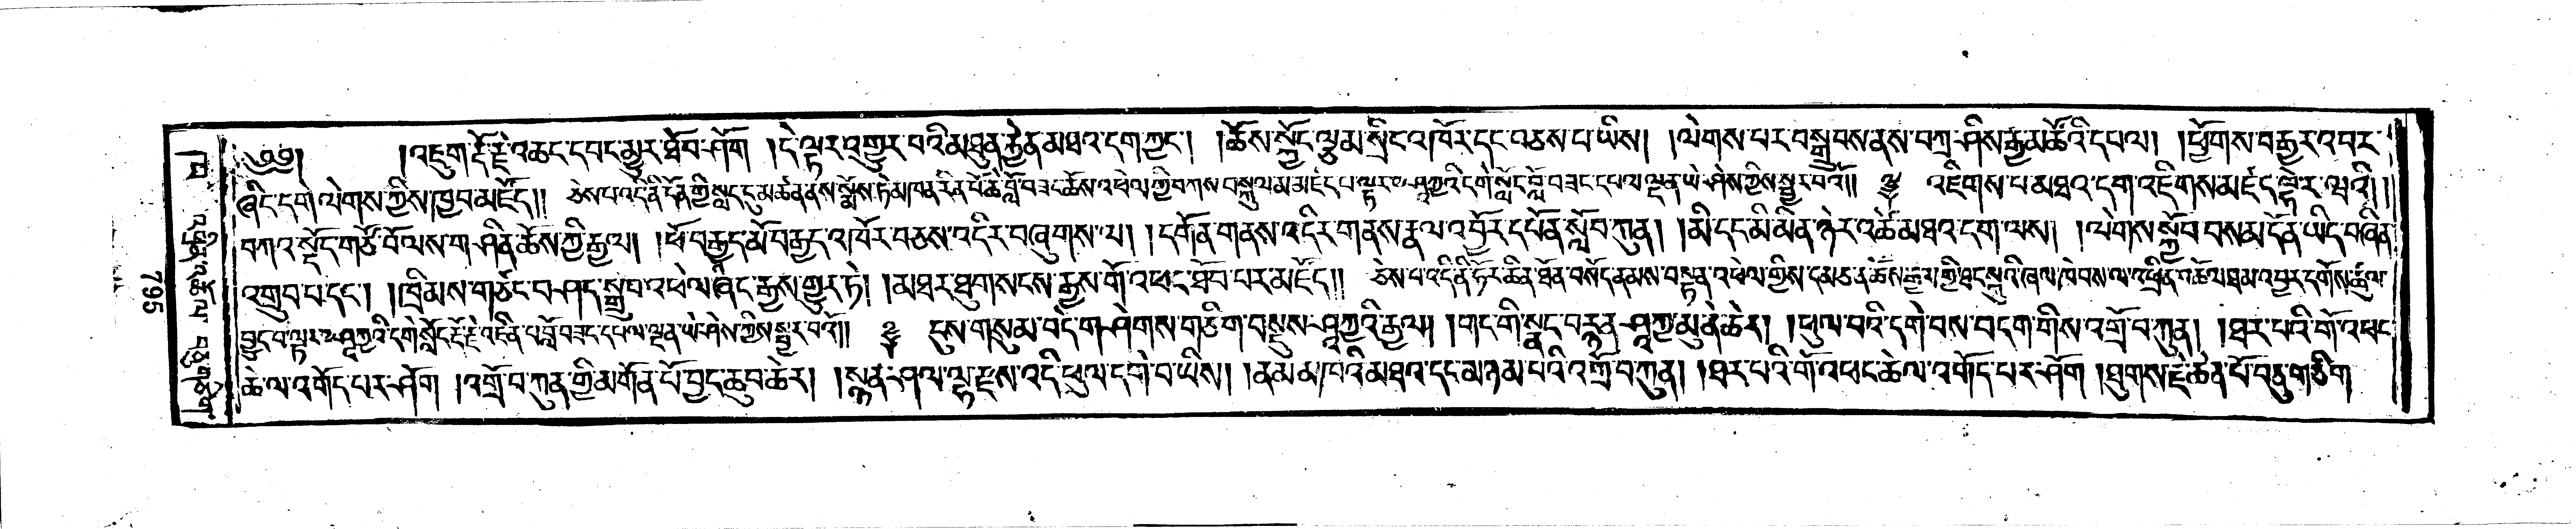༄༅། །འཇུག་རྡོ་རྗེ་འཆང་དབང་མྱུར་ཐོབ་ཤོག །དེ་ལྟར་འགྱུར་བའི་མཐུན་རྐྱེན་མཐའ་དག་ཀྱང་། །ཆོས་སྐྱོང་ལྕ་མ་སྲིང་འཁོར་དང་བཅས་པ་ཡིས། །ལེགས་པར་བསྒྲུབས་ནས་བཀྲ་ཤིས་རྒྱ་མཚོའི་དཔལ། །ཕྱོགས་བརྒྱར་འབར་
ཞིང་དགེ་ལེགས་ཀྱིས་ཁྱབ་མཛོད།། ཅེས་པ་འདི་ནི་དོན་གྱི་སླད་དུ་མཚན་ནས་སྨོས་ཏེ་མཁན་རིན་པོ་ཆེ་བློ་བཟང་ཆོས་འཕེལ་གྱི་བཀས་བསྐུལ་མ་མཛད་པ་ལྟར་༧་ཤཱཀྱའི་དགེ་སློང་བློ་བཟང་དཔལ་ལྡན་ཡེ་ཤེས་ཀྱིས་སྦྱར་བའོ།། ༈ འཇིགས་པ་མཐའ་དག་འཇིགས་མཛད་ལྟེར་ཝའི། །
བཀའ་སྡོད་གཙོ་བོ་ལས་གཤིན་ཆོས་ཀྱི་རྒྱལ། །ཕོ་བརྒྱད་མོ་བརྒྱད་འཁོར་བཅས་འདིར་བཞུགས་ལ། །དགོན་གནས་འདིར་གནས་རྣལ་འབྱོར་དཔོན་སློབ་ཀུན། །མི་དང་མི་མིན་ཉེར་འཚོ་མཐའ་དག་ལས། །ལེགས་སྐྱོབ་བསམ་དོན་ཡིད་བཞིན་
འགྲུབ་པ་དང་། །ཁྲིམས་གཙང་བཤད་སྒྲུབ་འཕེལ་ཞིང་རྒྱས་གྱུར་ཏེ། །མཐར་ཐུག་སངས་རྒྱས་གོ་འཕང་ཐོབ་པར་མཛོད།། ཅེས་པ་འདི་ནི་ཧོར་ཆིན་ཐོན་བསོད་ནམས་བསྟན་འཕེལ་གྱིས་དམ་ཅན་ཆོས་རྒྱལ་གྱི་ཐང་སྐུའི་ཞལ་ཁེབས་ལ་འཕྲིན་འཆོལ་ཐམ་འབྱར་དགོས་ཚུལ་
བྱུང་བ་ལྟར་༧་ཤཱཀྱའི་དགེ་སློང་རྡོ་རྗེ་འཛིན་པ་བློ་བཟང་དཔལ་ལྡན་ཡེ་ཤེས་ཀྱིས་སྦྱར་བའོ།། ༈ དུས་གསུམ་བདེ་གཤེགས་གཅིག་བསྡུས་ཤཱཀྱའི་རྒྱལ། །གང་གི་སྣང་བརྙན་ཤཱཀྱ་མུ་ནེ་ཆེར། །ཕུལ་བའི་དགེ་བས་བདག་གིས་འགྲོ་བ་ཀུན། །ཐར་བའི་གོ་འཕང་
ཆེ་ལ་འགོད་པར་ཤོག །འགྲོ་བ་ཀུན་གྱི་མགོན་པོ་བྱང་ཆུབ་ཆེར། །སྙན་ཤལ་ལྷ་རྫས་འདི་ཕུལ་དགེ་བ་ཡིས། །ནམ་མཁའི་མཐའ་དང་མཉམ་པའི་འགྲོ་བ་ཀུན། །ཐར་པའི་གོ་འཕང་ཆེལ་འགོད་པར་ཤོག །ཐུགས་རྗེ་ཆེན་པོ་བཅུ་གཅིག་